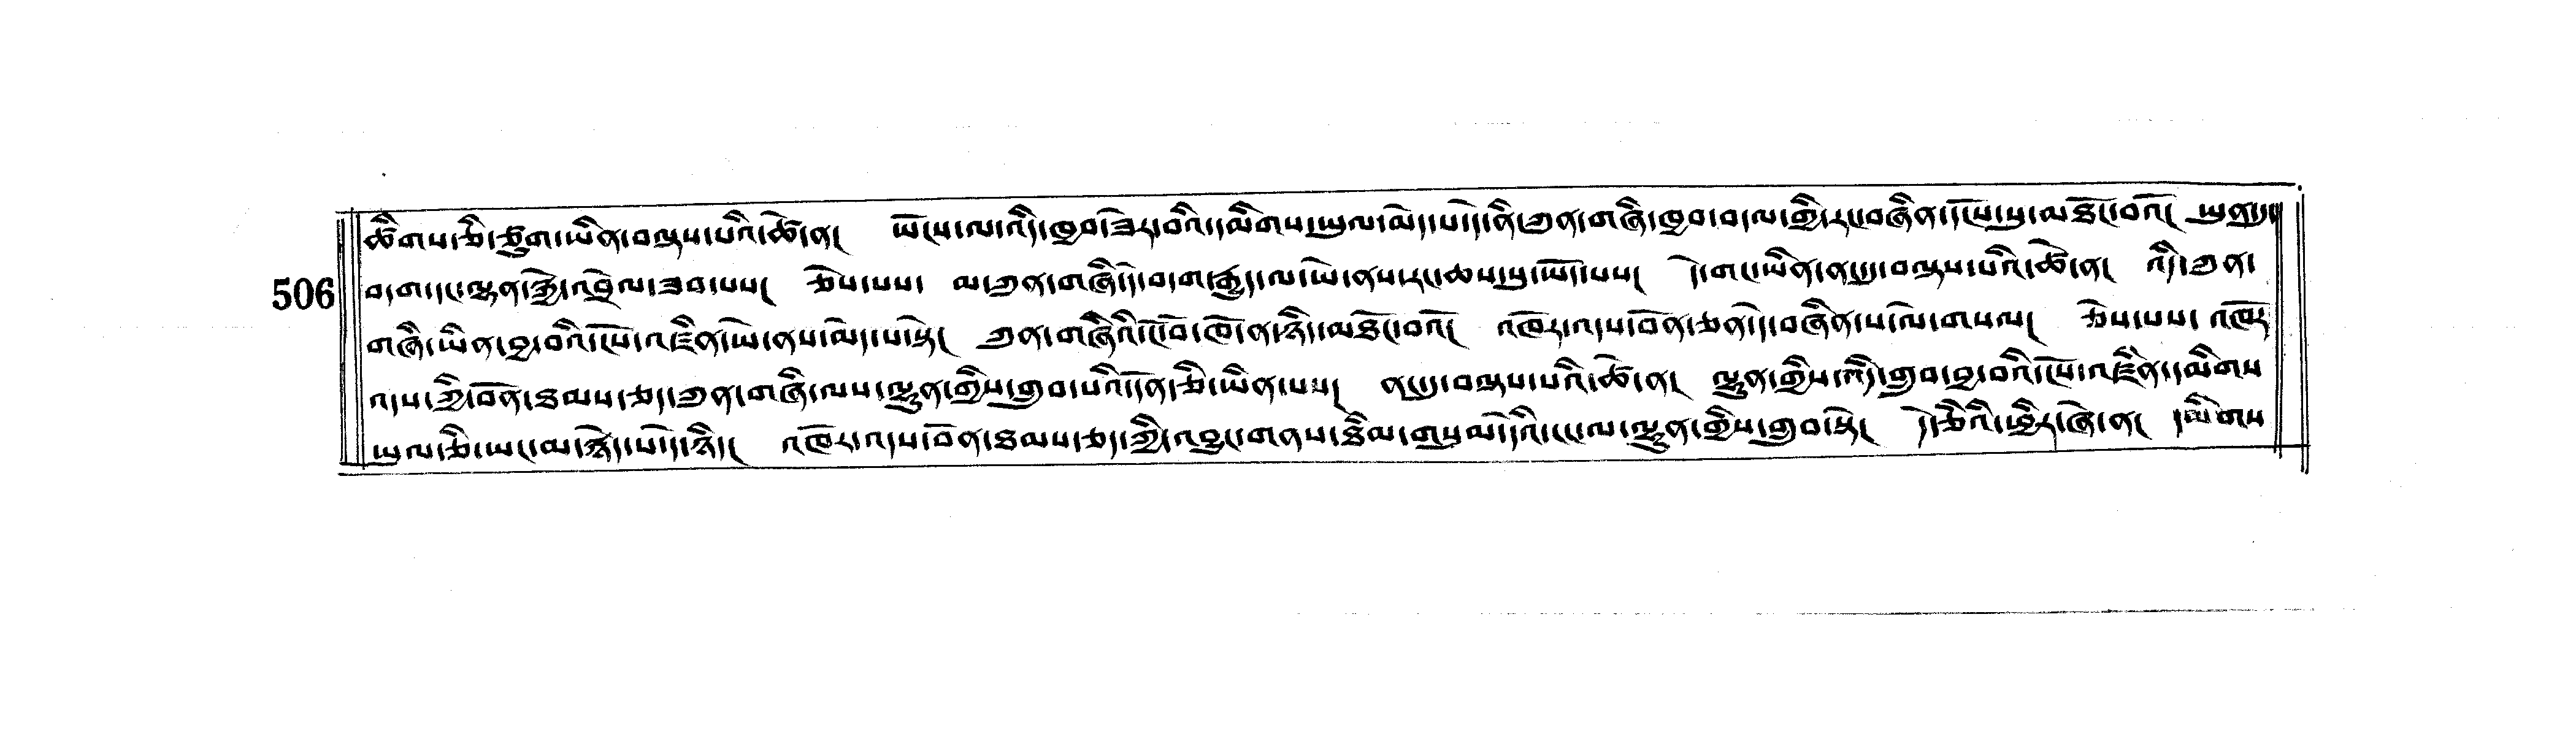ཚིགས་ཅི་ཙུག་ཡིན་བལྟས་པའི་ཚེ་ན། ཡོངས་ལ་འདི་ཁྱབ་ཟེར་བའི་དམིགས་ཡུལ་མེད་པ་དེ་ནི་ཀུན་གཞི་ཁྱབ་བདལ་གྱི་རང་བཞིན་དངོས་སུ་མཐོང་བའོ། ཡུན་དུ་
བདག་དང་ལྷན་སྐྱེས་འབྲེལ་ཟབ་པས། ཅེས་པས། མ་ཀུན་གཞི་ལ་བདག་རྒྱུད་ལ་ཡེ་ནས་རང་ཆས་སུ་ཡོད་པས། དེ་གང་ཡིན་ནང་དུ་བལྟས་པའི་ཚེ་ན། འདི་ཀུན་
གཞི་ཡིན་བྱ་བའི་ངོས་འཛིན་ཡེ་ནས་མེད་པ་སྟེ། ཀུན་གཞིའི་ངོ་བོ་ཉིད་ཁོ་ན་ཉིད་མཐོང་བའོ། འཁོར་འདས་བོན་ཅན་དེ་བཞིན་ས་ལེ་གསལ། ཅེས་པས། འཁོར་
འདས་ཀྱི་བོན་ཐམས་ཅད་ཀུན་གཞི་ལས་ལྷུན་གྱིས་གྲུབ་པའི་དོན་ཅི་ཡིན་པས། ནང་དུ་བལྟས་པའི་ཚེ་ན་ལྷུན་གྱིས་འདི་གྲུབ་བྱ་བའི་ངོས་འཛིན་དམིགས་
ཡུལ་ཅི་ཡང་མ་རྙེད་པ་དེ་ཉིད། འཁོིར་འདས་བོན་ཐམས་ཅད་ཀྱི་འབྱུང་གནས་ཐིམ་གསུམ་དེའི་ངང་ལ་ལྷུན་གྱིས་གྲུབ་སྟེ། དེ་ཅིའི་ཕྱིར་ཞེ་ན། དམིགས་